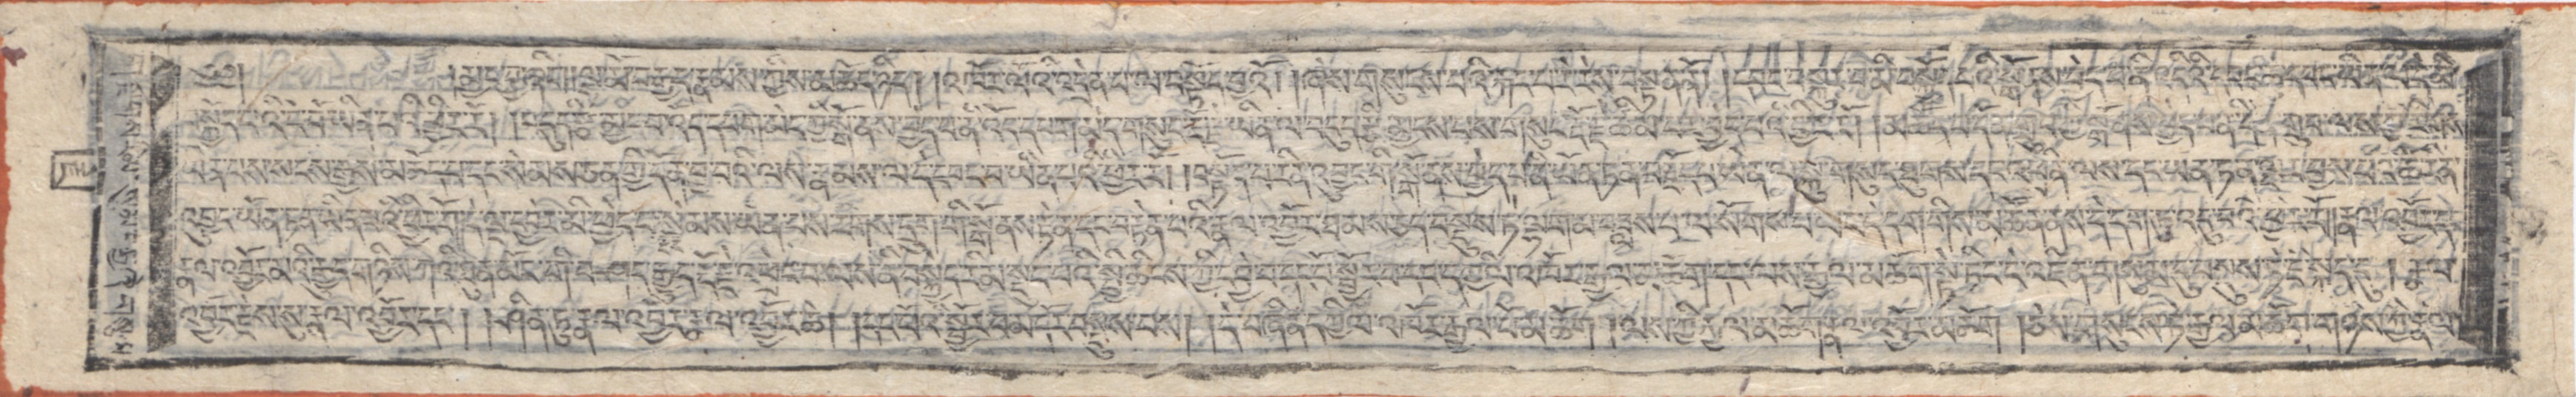༄༅། །མྱང་བྱ་ཞིང་། །ལྷ་མོ་བརྒྱད་རྣམས་ཀྱིས་མཆོད་ཉིད། །འཁོར་ལོའི་འདྲེན་པ་ལ་བསྟོད་བྱའོ། །ཞེས་གསུངས་པའི་རྐང་པ་རེ་རེས་བསྟན་ནོ། །དབང་བསྐུར་བ་མི་བསྐྱོད་པའི་སྒོ་ནས་བྱེད་པ་ནི་འདིའི་དབང་ཆུ་དབང་ཡིན་ལ་དེ་མི་
བསྐྱོད་པའི་ངོ་བོ་ཡིན་པའི་ཕྱིར་རོ། །བདུད་རྩི་མྱང་བ་འོད་དཔག་མེད་ཀྱི་སྒོ་ནས་བྱེད་པ་ནི་འོད་དཔག་མེད་གསུང་རྡོ་རྗེ་ཡིན་ལ་བདུད་རྩི་མྱངས་པས་གསུང་རྡོ་རྗེ་ཚིམ་པར་བྱེད་པའི་ཕྱིར་རོ། །མཆོད་པ་དོན་གྲུབ་ཀྱི་སྒོ་ནས་བྱེད་པ་ནི་དོན་གྲུབ་ལས་ཀྱི་རིགས་
ཡིན་པས་སངས་རྒྱས་མཆོད་པ་དང་སེམས་ཅན་གྱི་དོན་བྱ་བའི་ལས་རྣམས་ལ་དེ་དབང་བ་ཡིན་པའི་ཕྱིར་རོ། །བསྟོད་པ་རིན་འབྱུང་གི་སྒོ་ནས་བྱེད་པ་ནི་ཡོན་ཏན་བརྗོད་པ་ཡིན་ལ་སྐུ་གསུང་ཐུགས་དང་འཕྲིན་ལས་དང་ཡོན་ཏན་ལྔར་བྱས་པའི་ཚེ་རིན་
འབྱུང་ཡོན་ཏན་ཡིན་པའི་ཕྱིར་རོ། །དེ་ལྔ་དབྱེར་མི་ཕྱེད་པ་རྡོ་རྗེ་སེམས་ཨིན་པས་རིགས་དྲུག་གི་སྒོ་ནས་རྟེན་དང་བརྟེན་པའི་རྣལ་འབྱོར་ཐམས་ཅད་བསྡུས་ཏེ་ལྷག་མ་བཟླས་པ་ལ་སོགས་པ་ཡང་དེ་དག་གིས་མཚོན་ནས་དེ་དག་ཏུ་འདུ་བའི་ཕྱིར་རོ། །རྣལ་འབྱོར་དང་
རྣལ་འབྱོར་མའི་རྒྱུད་གཉིས་ཀའི་ཐུན་མོང་གི་བཤད་རྒྱུད་རྡོ་རྗེ་འཕྲེང་བ་ལས་ནི་བསྐྱེད་རིམ་སྡུད་པའི་སྤྱི་ཆིངས་ཀྱི་དབྱེ་བ་དང་པོ་སྦྱོར་བ་དང་དཀྱིལ་འཁོར་རྒྱལ་མཆོག་དང་ལས་རྒྱལ་མཆོག་སྟེ་ཏིང་ངེ་འཛིན་གསུམ་དུ་བསྡུས་ཏེ་ཇི་སྐད་དུ། རྣལ་
འབྱོར་རྗེས་སུ་རྣལ་འབྱོར་དང་། །ཤིན་ཏུ་རྣལ་འབྱོར་རྣལ་འབྱོར་ཆེ། །དང་པོའི་སྦྱོར་བ་མདོར་བསྡུས་པས། །དེ་བཞིན་དཀྱིལ་འཁོར་རྒྱལ་པོ་མཆོག །ལས་ཀྱི་རྒྱལ་མཆོག་རྣལ་འབྱོར་མཆོག །ཅེས་གསུངས་ཏེ་རྒྱལ་མཆོག་གཉིས་ཀྱི་རྣལ་